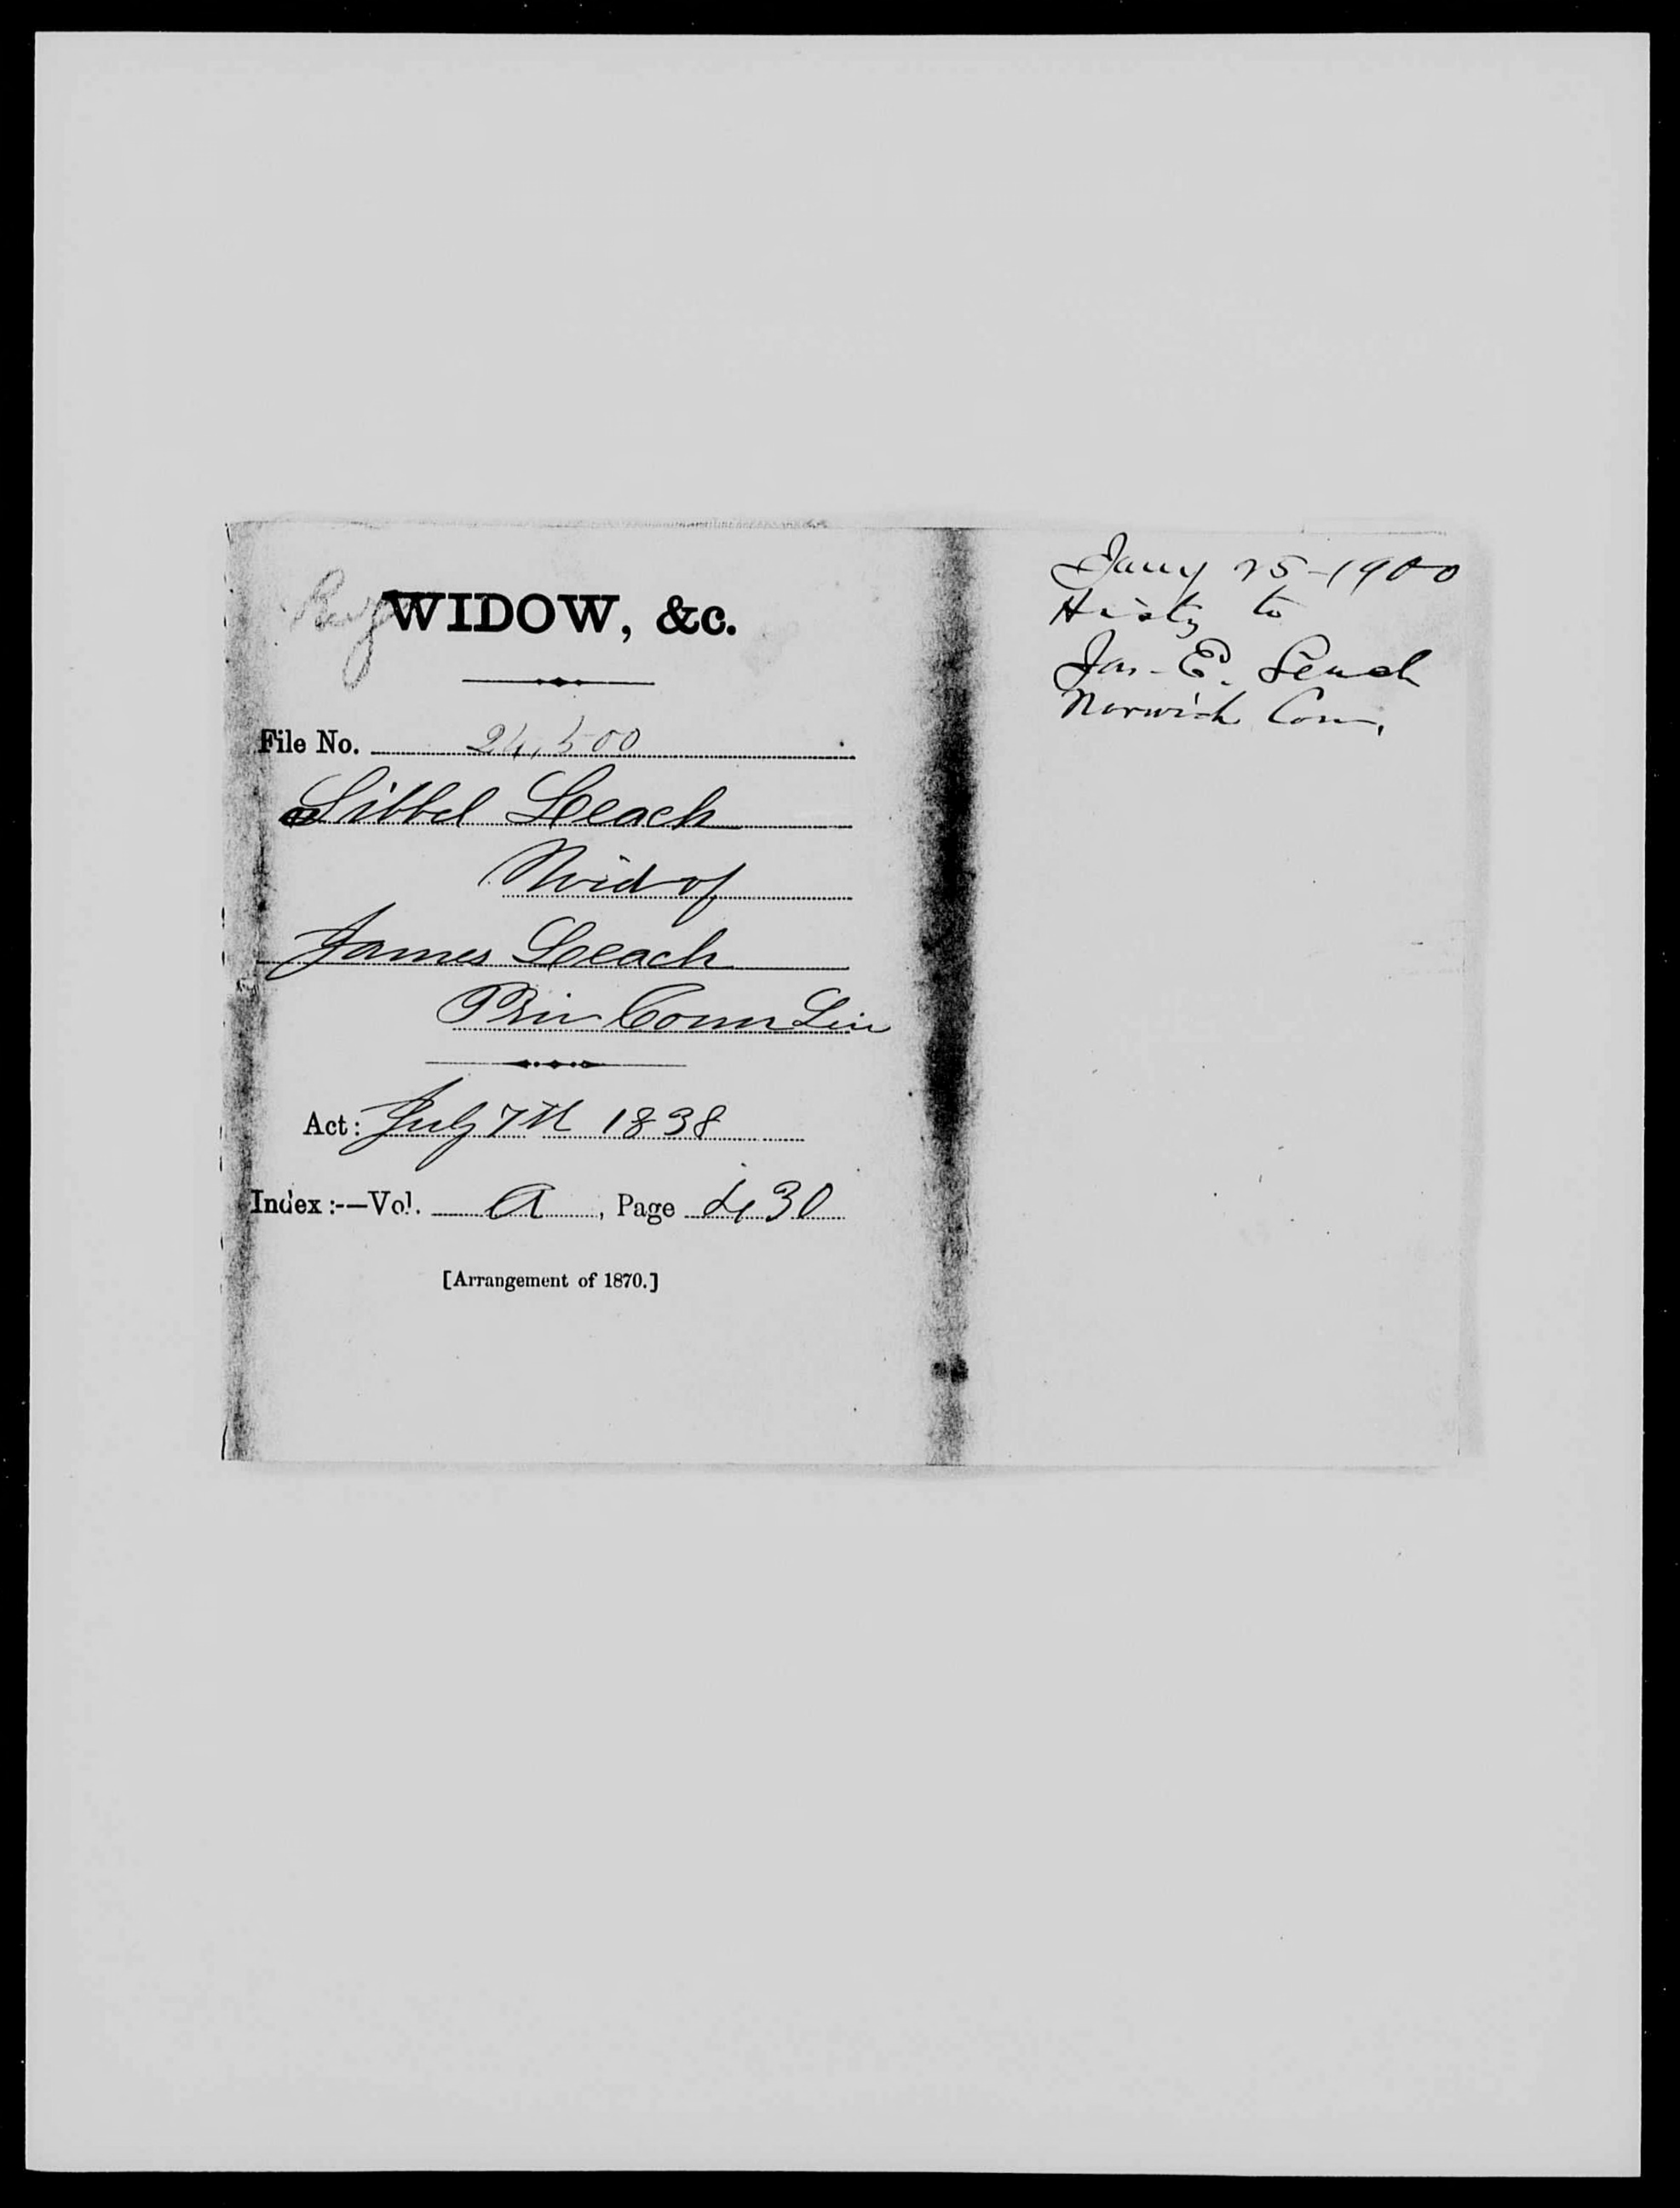Revy WIDOW, &c.
File No. 24,500
---
Sibbel Leach
Wid of
James Leach
Priv  Conn lin
Act: July 7th 1838
Index: -- Vol. A, Page 430
[Arrangement of 1870.]
Jany 25. 1900
Histy to
Jane E. Leach
Norwich Con.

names: James Leach; Sibbel Leach; Jas E Leach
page: 26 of 27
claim: widow's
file: W. 24,500, for James Leach, Connecticut